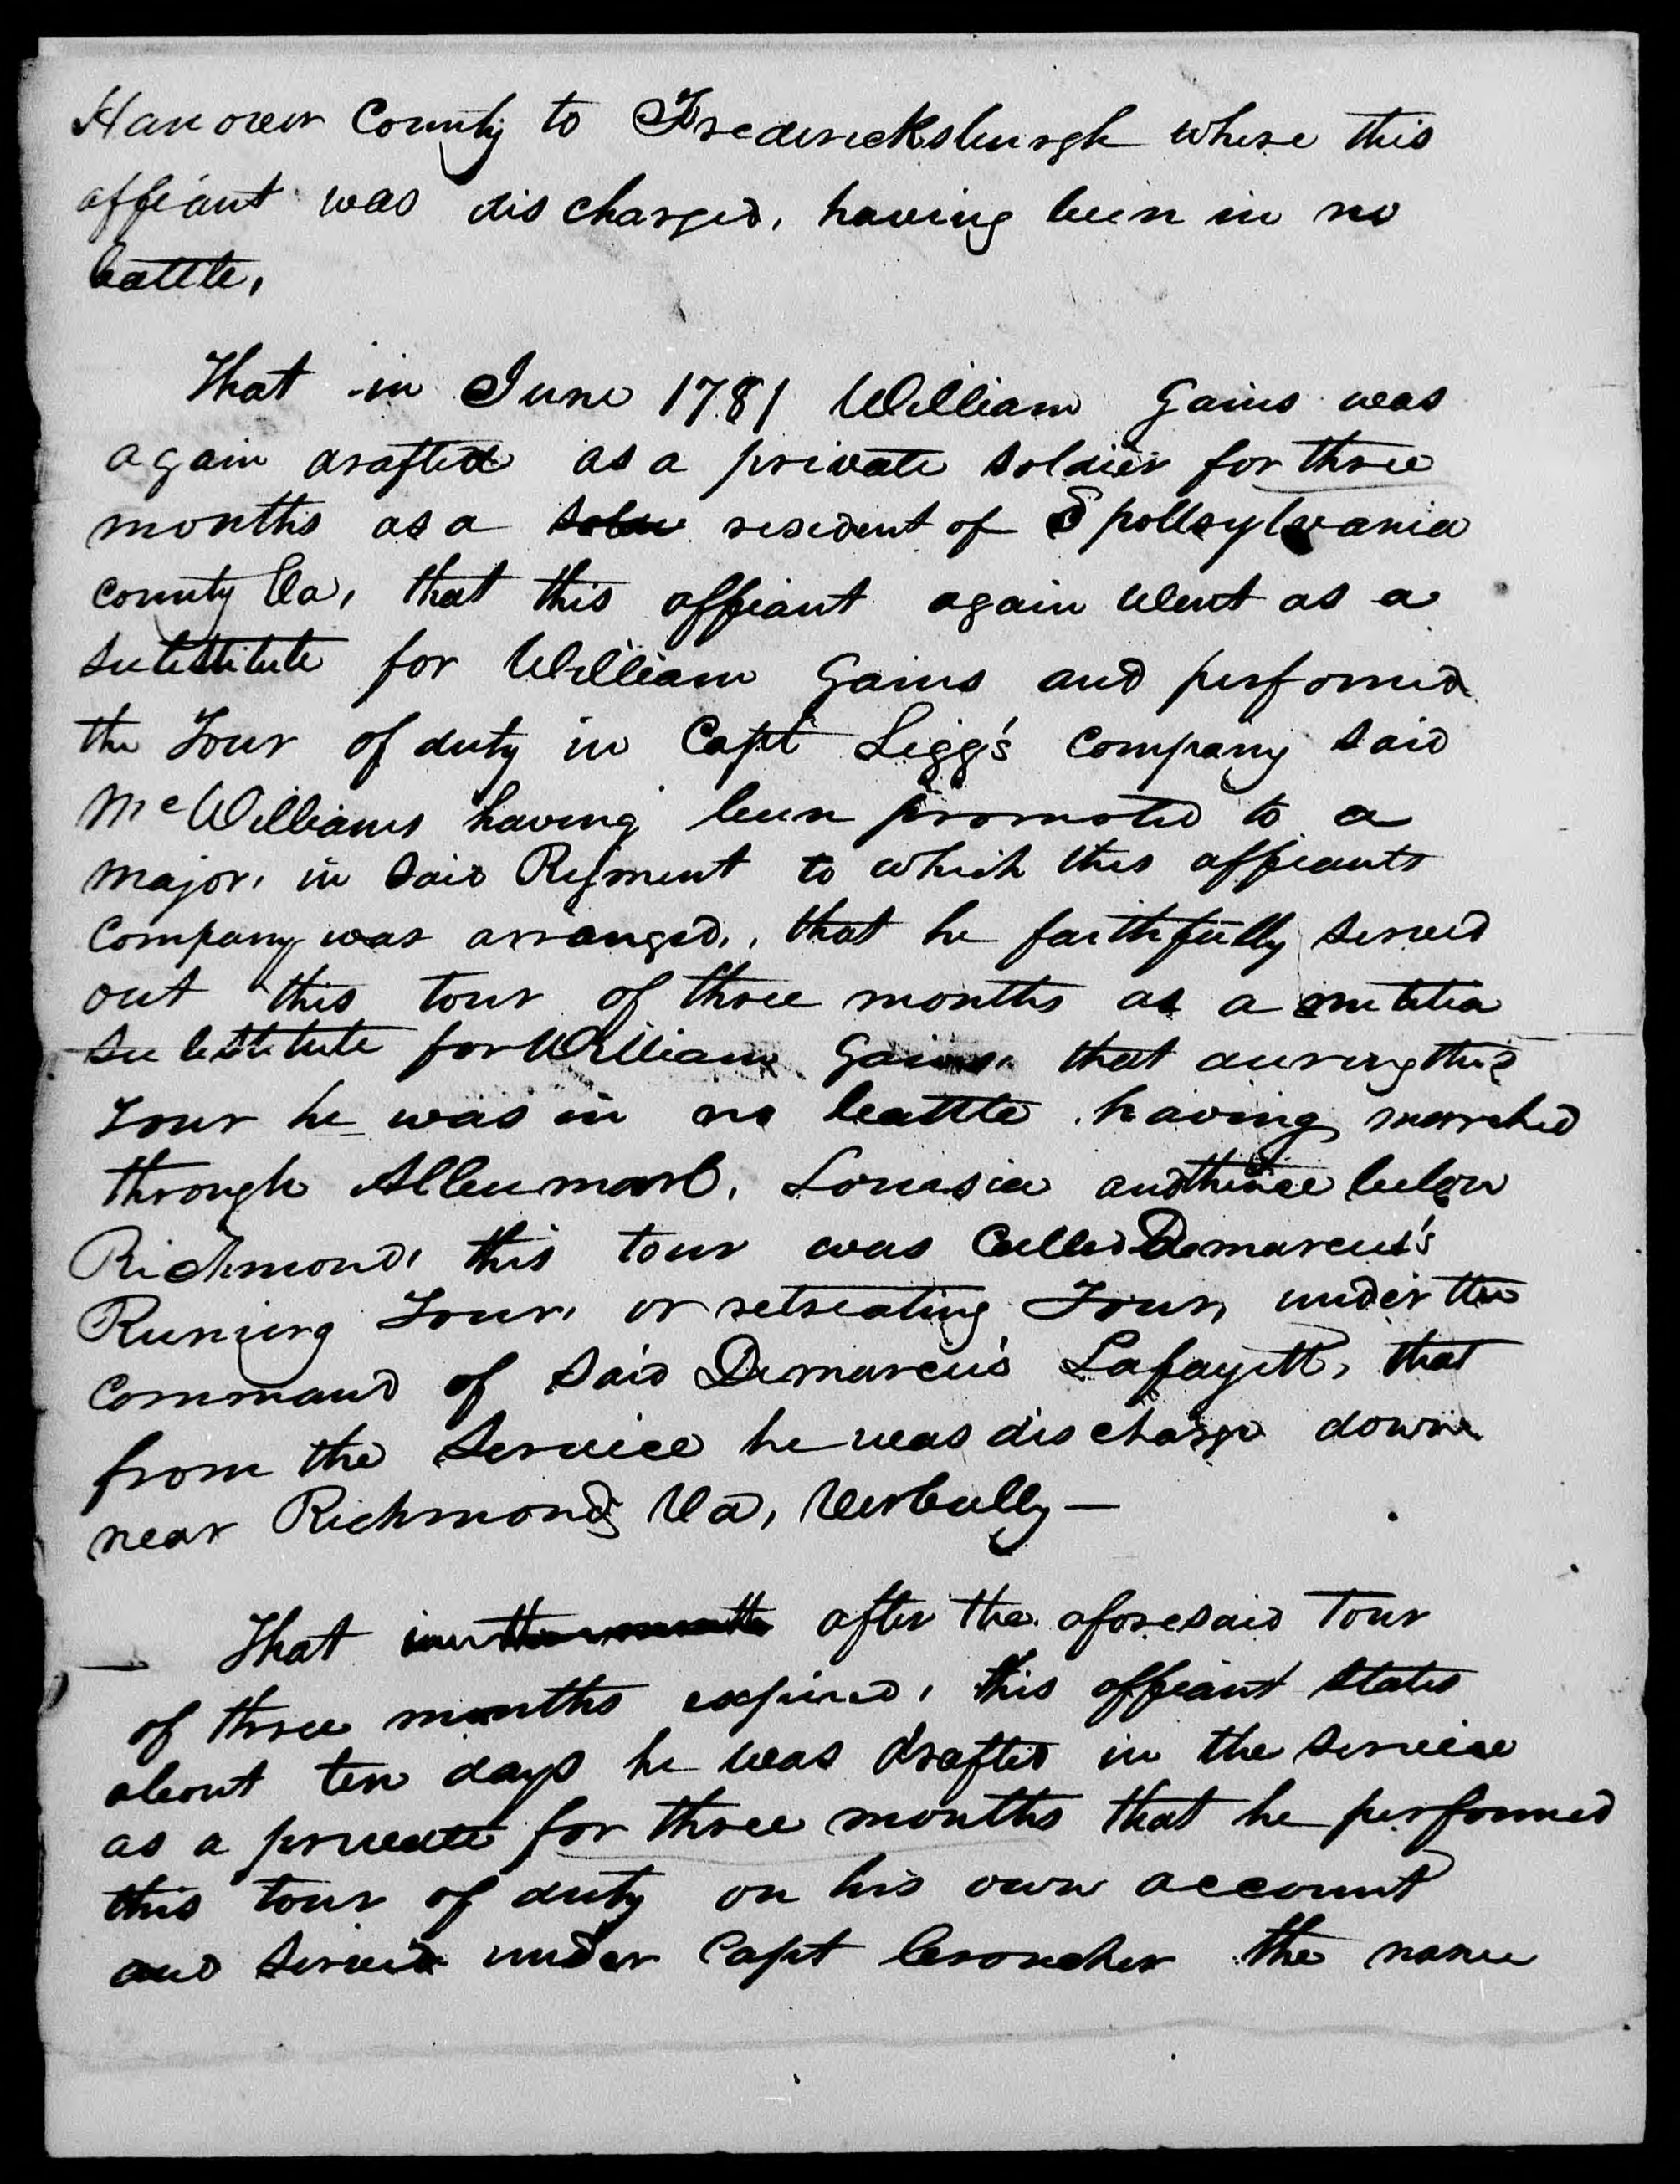Hanover County to Fredericksburgh where this
affiant was discharged, having been in no
battle,
That in June 1781 William Gains was
again drafted as a private soldier for three
months as a [crossed out] sold [/crossed out] resident of Spotsylvania
County Va. that this affiant again went as a
substitute for William Gains and performed
the Tour of duty in Capt Legg's Company said
McWilliams having been promoted to a
Major, in said Regiment to which this affiants
company was arranged, that he faithfully served
out this tour of three months as a militia
Substitute for William Gains that during this
tour he was in no battle having marched
through Allenmont [Albemarle], Louisia [Louisa] and thence below
Richmond, this tour was called Demarcus's
Running Tour or retreating tour under the
command of said Demarcus Lafayett [Marquis de Lafayette], that
from the Service he was discharge down
near Richmond Va, verbally -
That [crossed out] in three months [/crossed out] after the aforesaid tour
of three months expired, this affiant states
about ten days he was drafted in the service
as a private for three months that he performed
this tour of duty on his own account
and service under Capt Croucher the name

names: William Gains, Croucher, Alexander Loussia, William Gains, Demarcus La Fayett, William Gains, Mc Williams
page: 5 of 79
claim: rejected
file: R. 3863, Robert Gaines, Va.